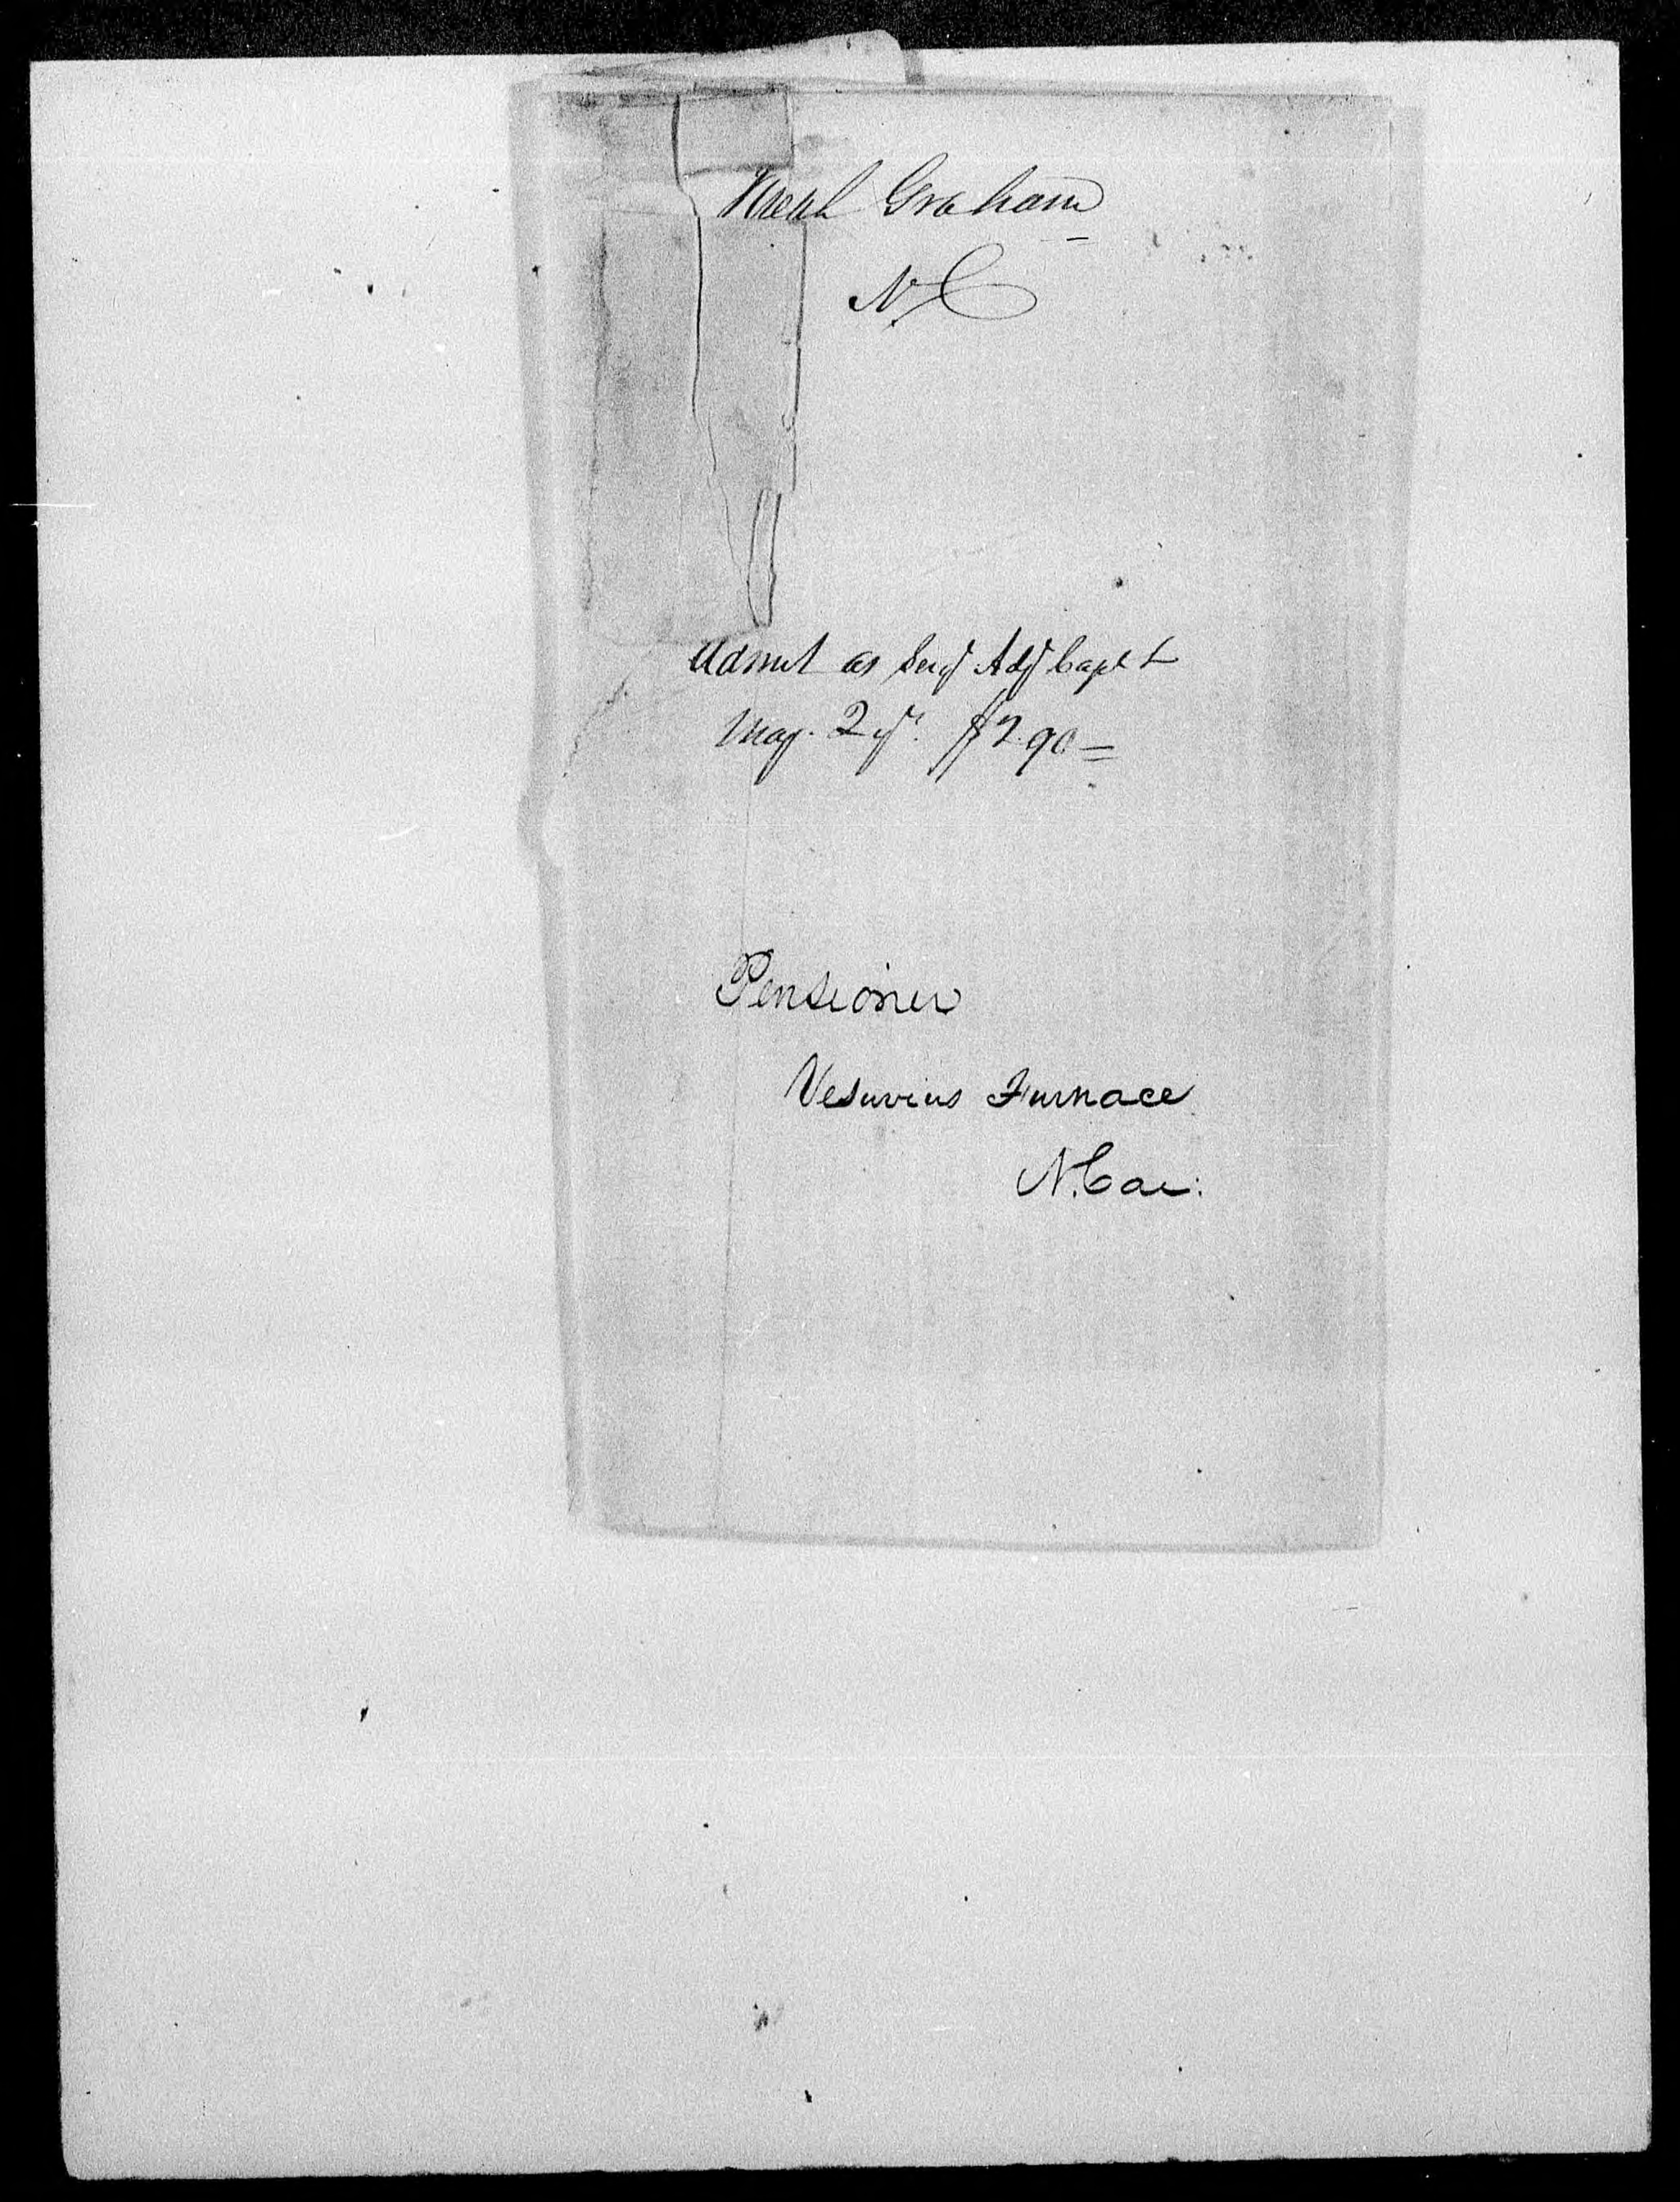Joseph Graham
N. C. 

Admit as Sec. Adj. Capt. 
Maj. 2 yr. $2.90 =

Pensioner
Vesuvius Furnace
N. Car.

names: Vesuvius Furnace, Joseph Graham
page: 18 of 55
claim: survivor's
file: S. 6,937, Joseph Graham, N.C.